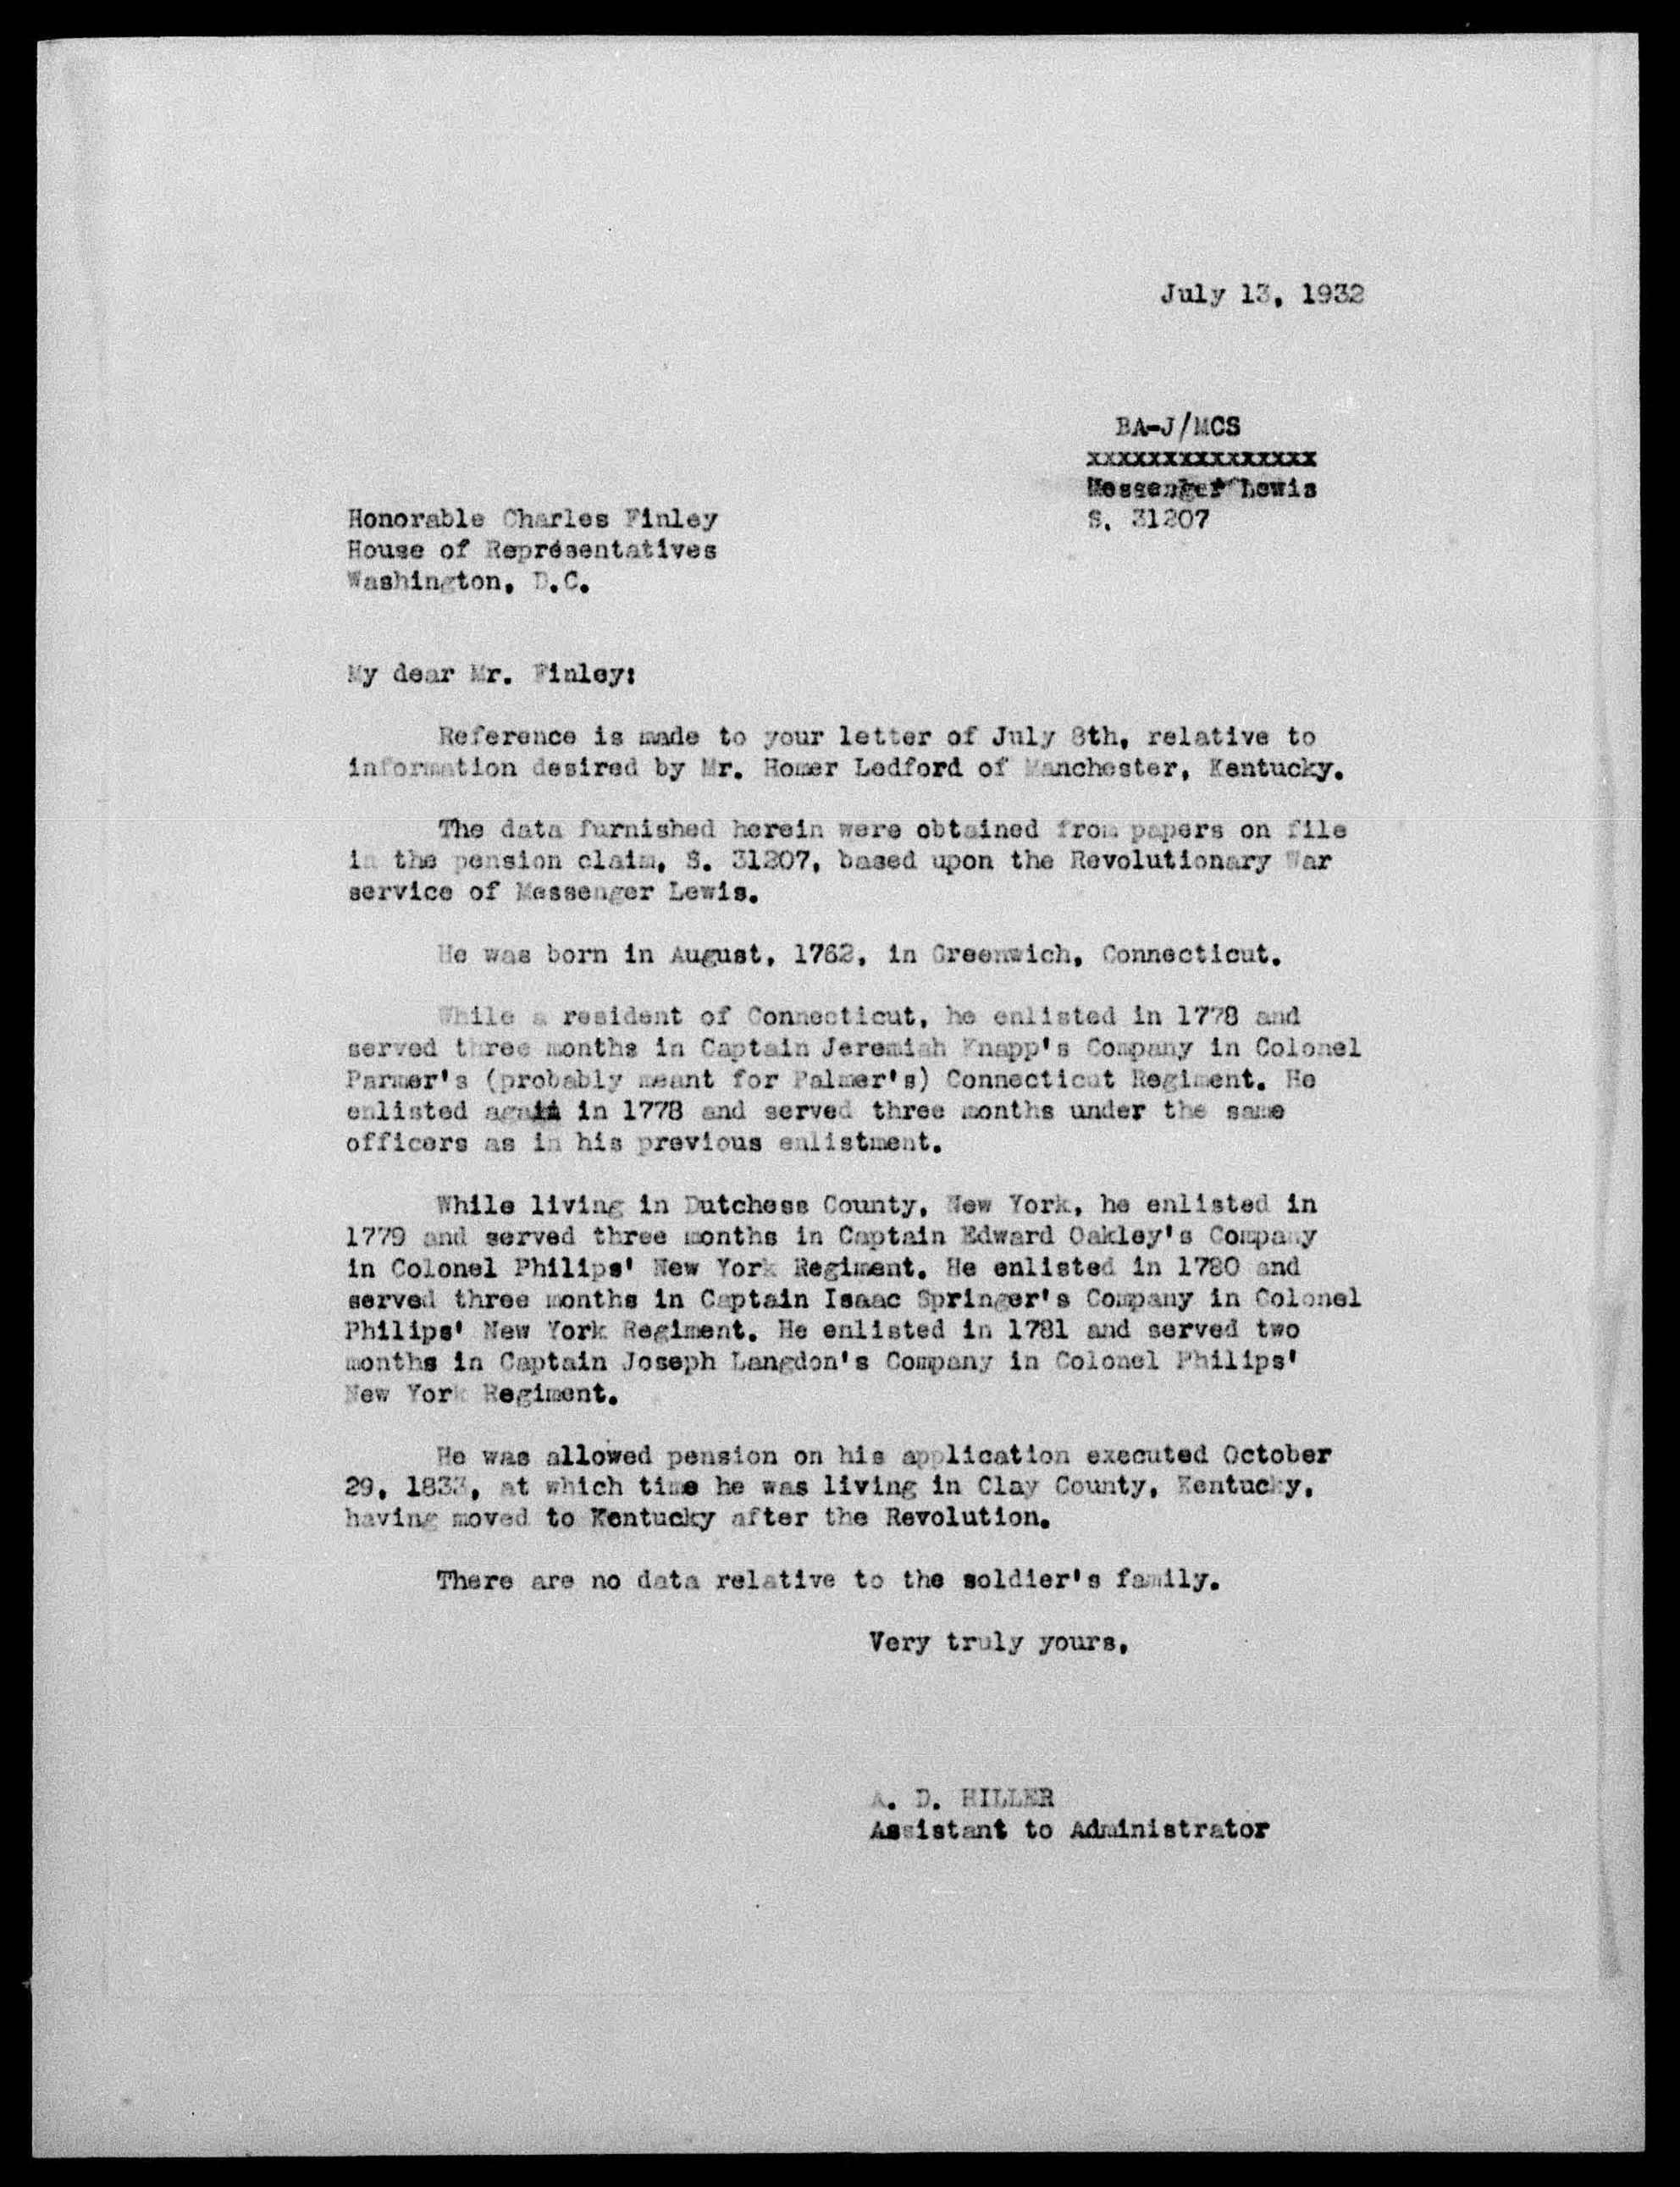July 13, 1932 
BA-J/MCS  
Messenger Lewis
S. 31207
Honorable Charles Finley  
House of Representatives 
Washington, D.C. 
My dear Mr. Finley: 
Reference is made to your letter of July 8th, relative to information desired by Mr. Homer Ledford of Manchester, Kentucky. 
The data furnished herein were obtained from papers on file in the pension claim, S. 31207, based upon the Revolutionary War service of Messenger Lewis.  
He was born in August, 1762, in Greenwich, Connecticut. 
While a resident of Connecticut, he enlisted in 1778 and served three months in Captain Jeremiah Knapp's Company in Colonel Parmer's (probably meant for Palmer's) Connecticut Regiment. He enlisted again in 1778 and served three months under the same officers as in his previous enlistment. 
While living in Dutchess County, New York, he enlisted in 1779 and served three months in Captain Edward Oakley's Company in Colonel Philips' New York Regiment. He enlisted in 1780 and served three months in Captain Isaac Springer's Company in Colonel Philips' New York Regiment. He enlisted in 1781 and served two months in Captain Joseph Langdon's Company in Colonel Philips' New York Regiment. 
He was allowed pension on his application executed October 29, 1833, at which time he was living in Clay County, Kentucky, having moved to Kentucky after the Revolution. 
There are no data relative to the soldier's family, 
Very truly yours, 
A. D. HILLER Assistant to Administrator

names: Messenger Lewis; Charles Finley; A D Hiller; Homer Ledford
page: 7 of 12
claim: survivor's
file: S. 31207, for Messenger Lewis, Connecticut